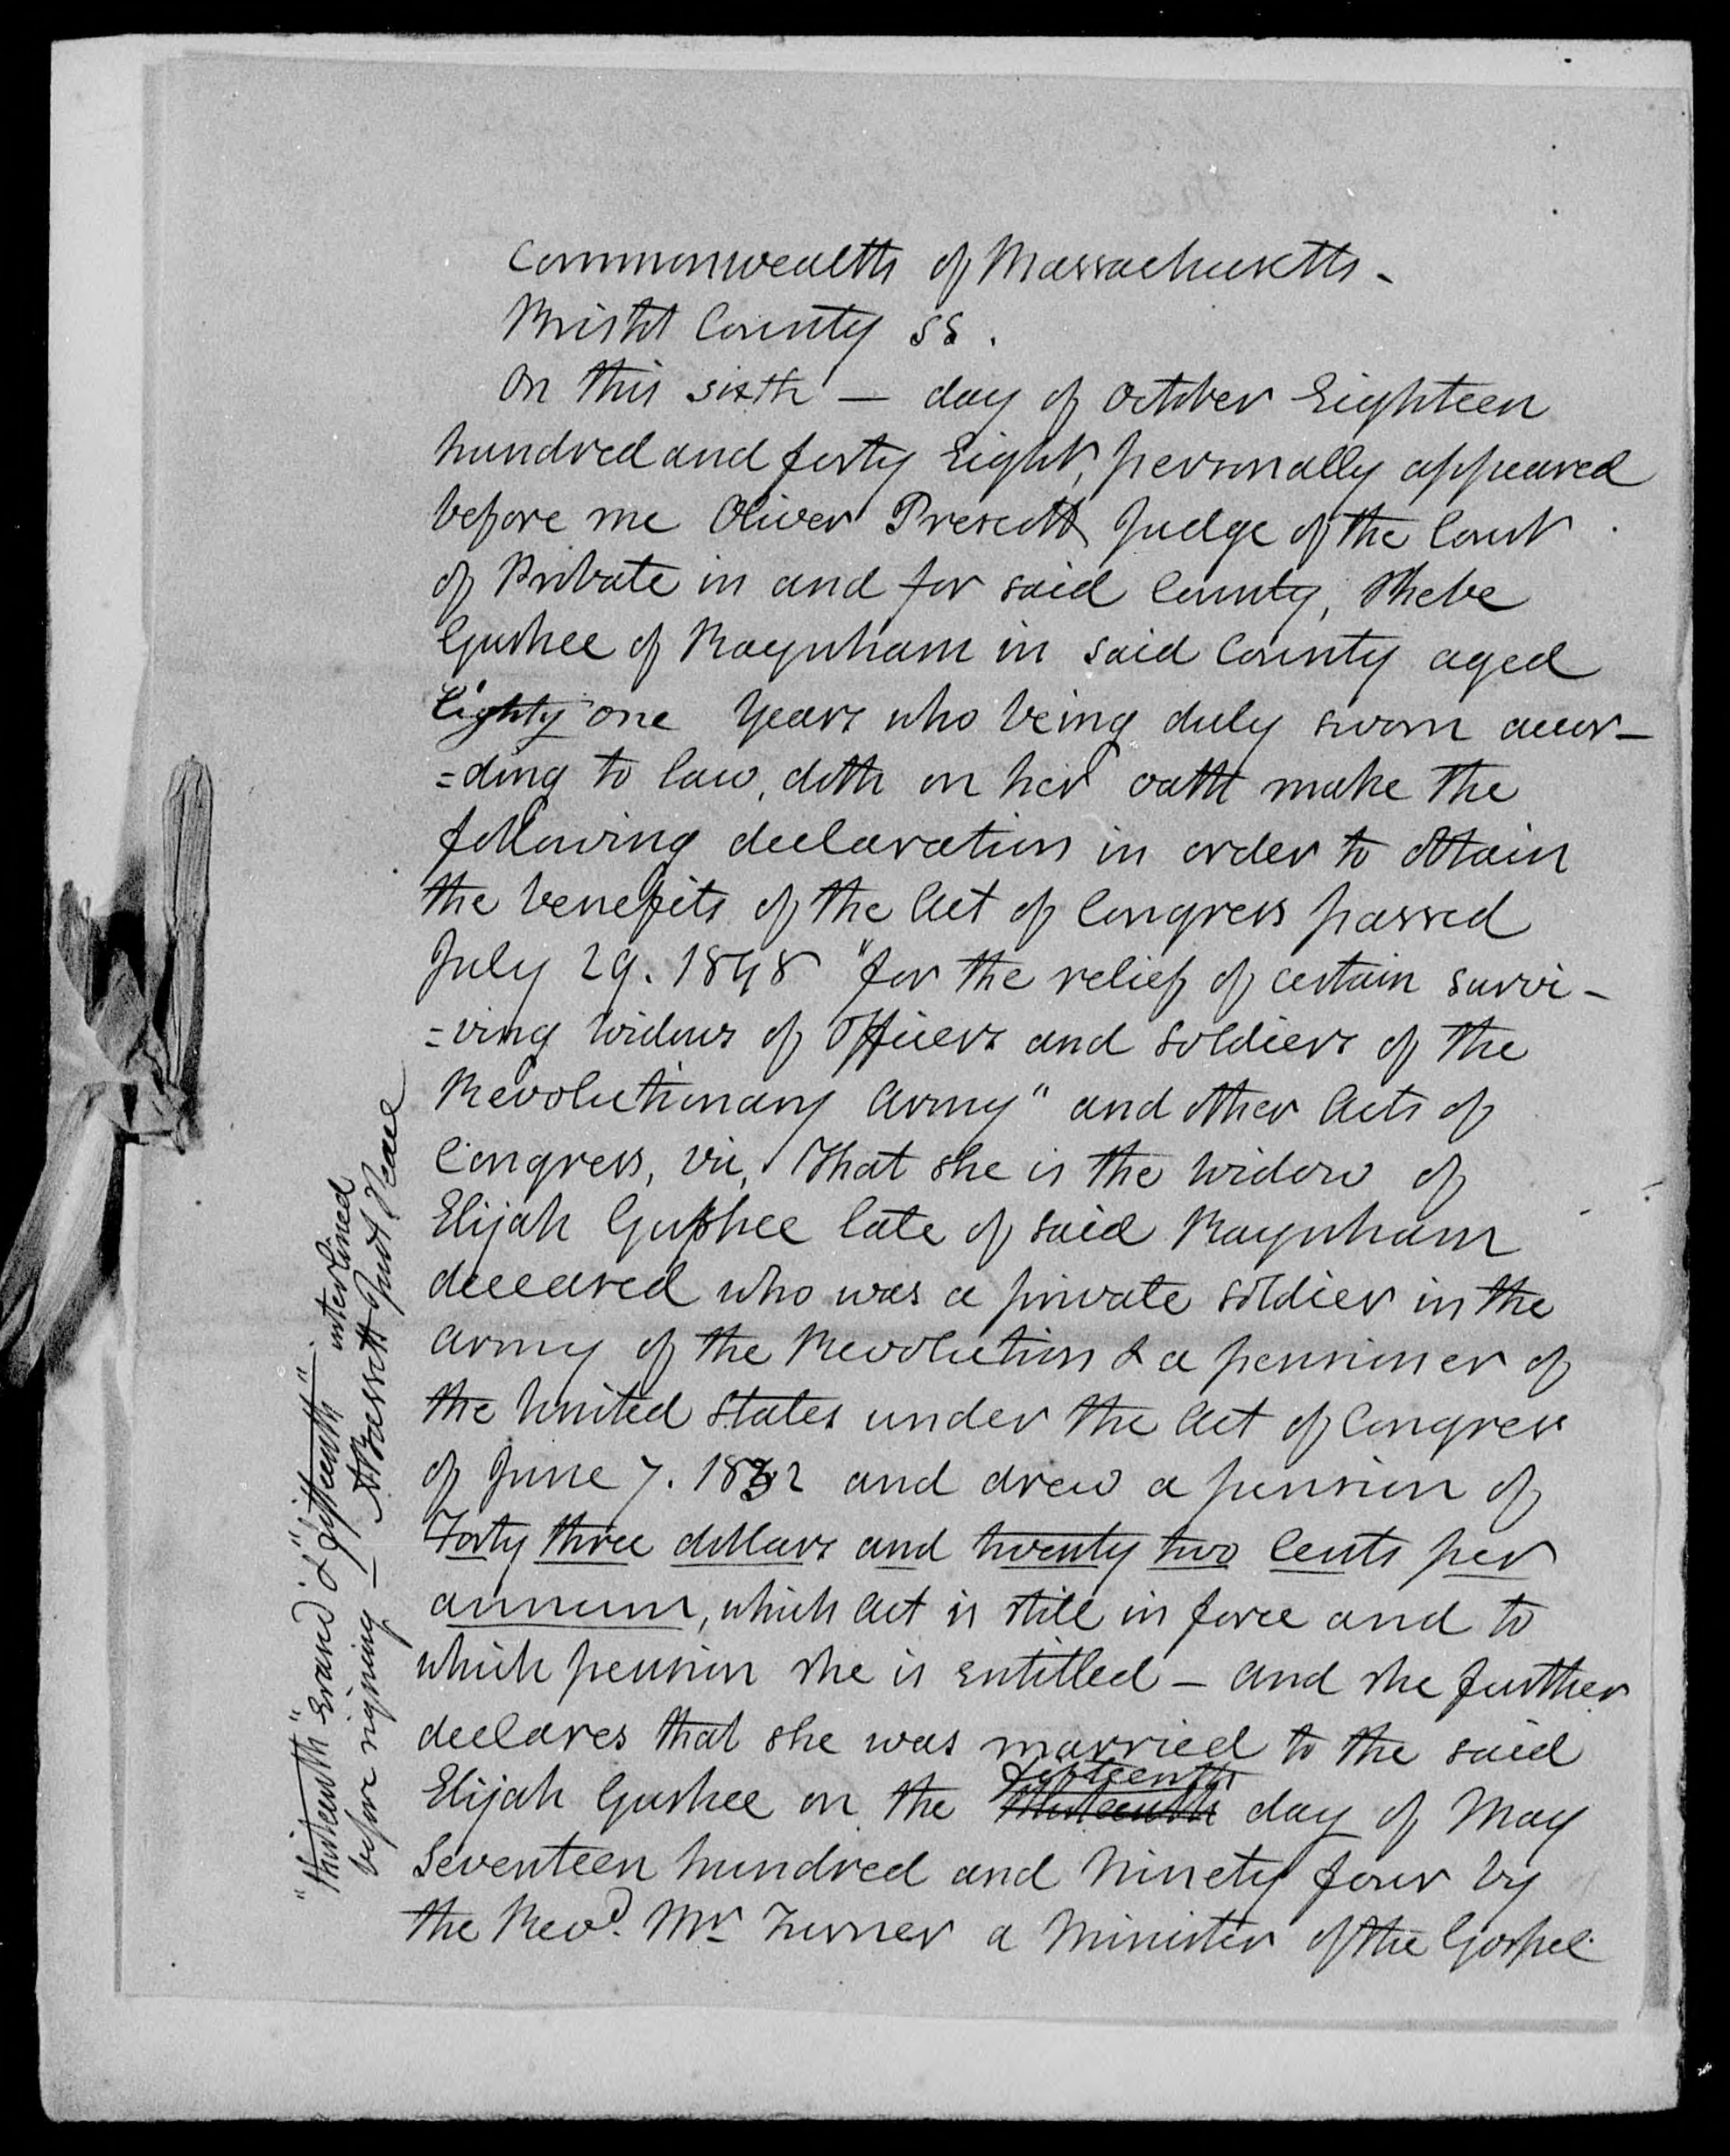Commonwealth
of Massachusetts,
Bristol County SS.

On this sixth day of October Eighteen hundred and forty Eight, personally appeared before me Oliver Prescott Judge of the Court of Probate in and for said County, Phebe Gushee of Raynham in said County aged Eighty one years who being duly sworn according to law, doth on her oath make the following declaration in order to attain the benefits of the act of Congress, viz, That she is the widow of ELijah Gushee late of said Raynham deceased who was a private soldier in the Army of the Revolution & a pensioner of the United States under the act of Congress of June 7, 1832 and drew a pension of Forty three dollars and twenty two cents per annum, which act is still in force and to which pension she is entitled-- and she further declares that she was married to the said Elijah Gushee on the fifteenth day of May Seventeen hundred and ninety four by
the Revd Mr Turner a minister of the Gospel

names: A Bassett, Oliver Prescott, Phebe Gushee, Turner, Elijah Gushee, Elijah Gushee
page: 11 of 36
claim: widow's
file: W. 8838, Elijah Gushee, Mass.